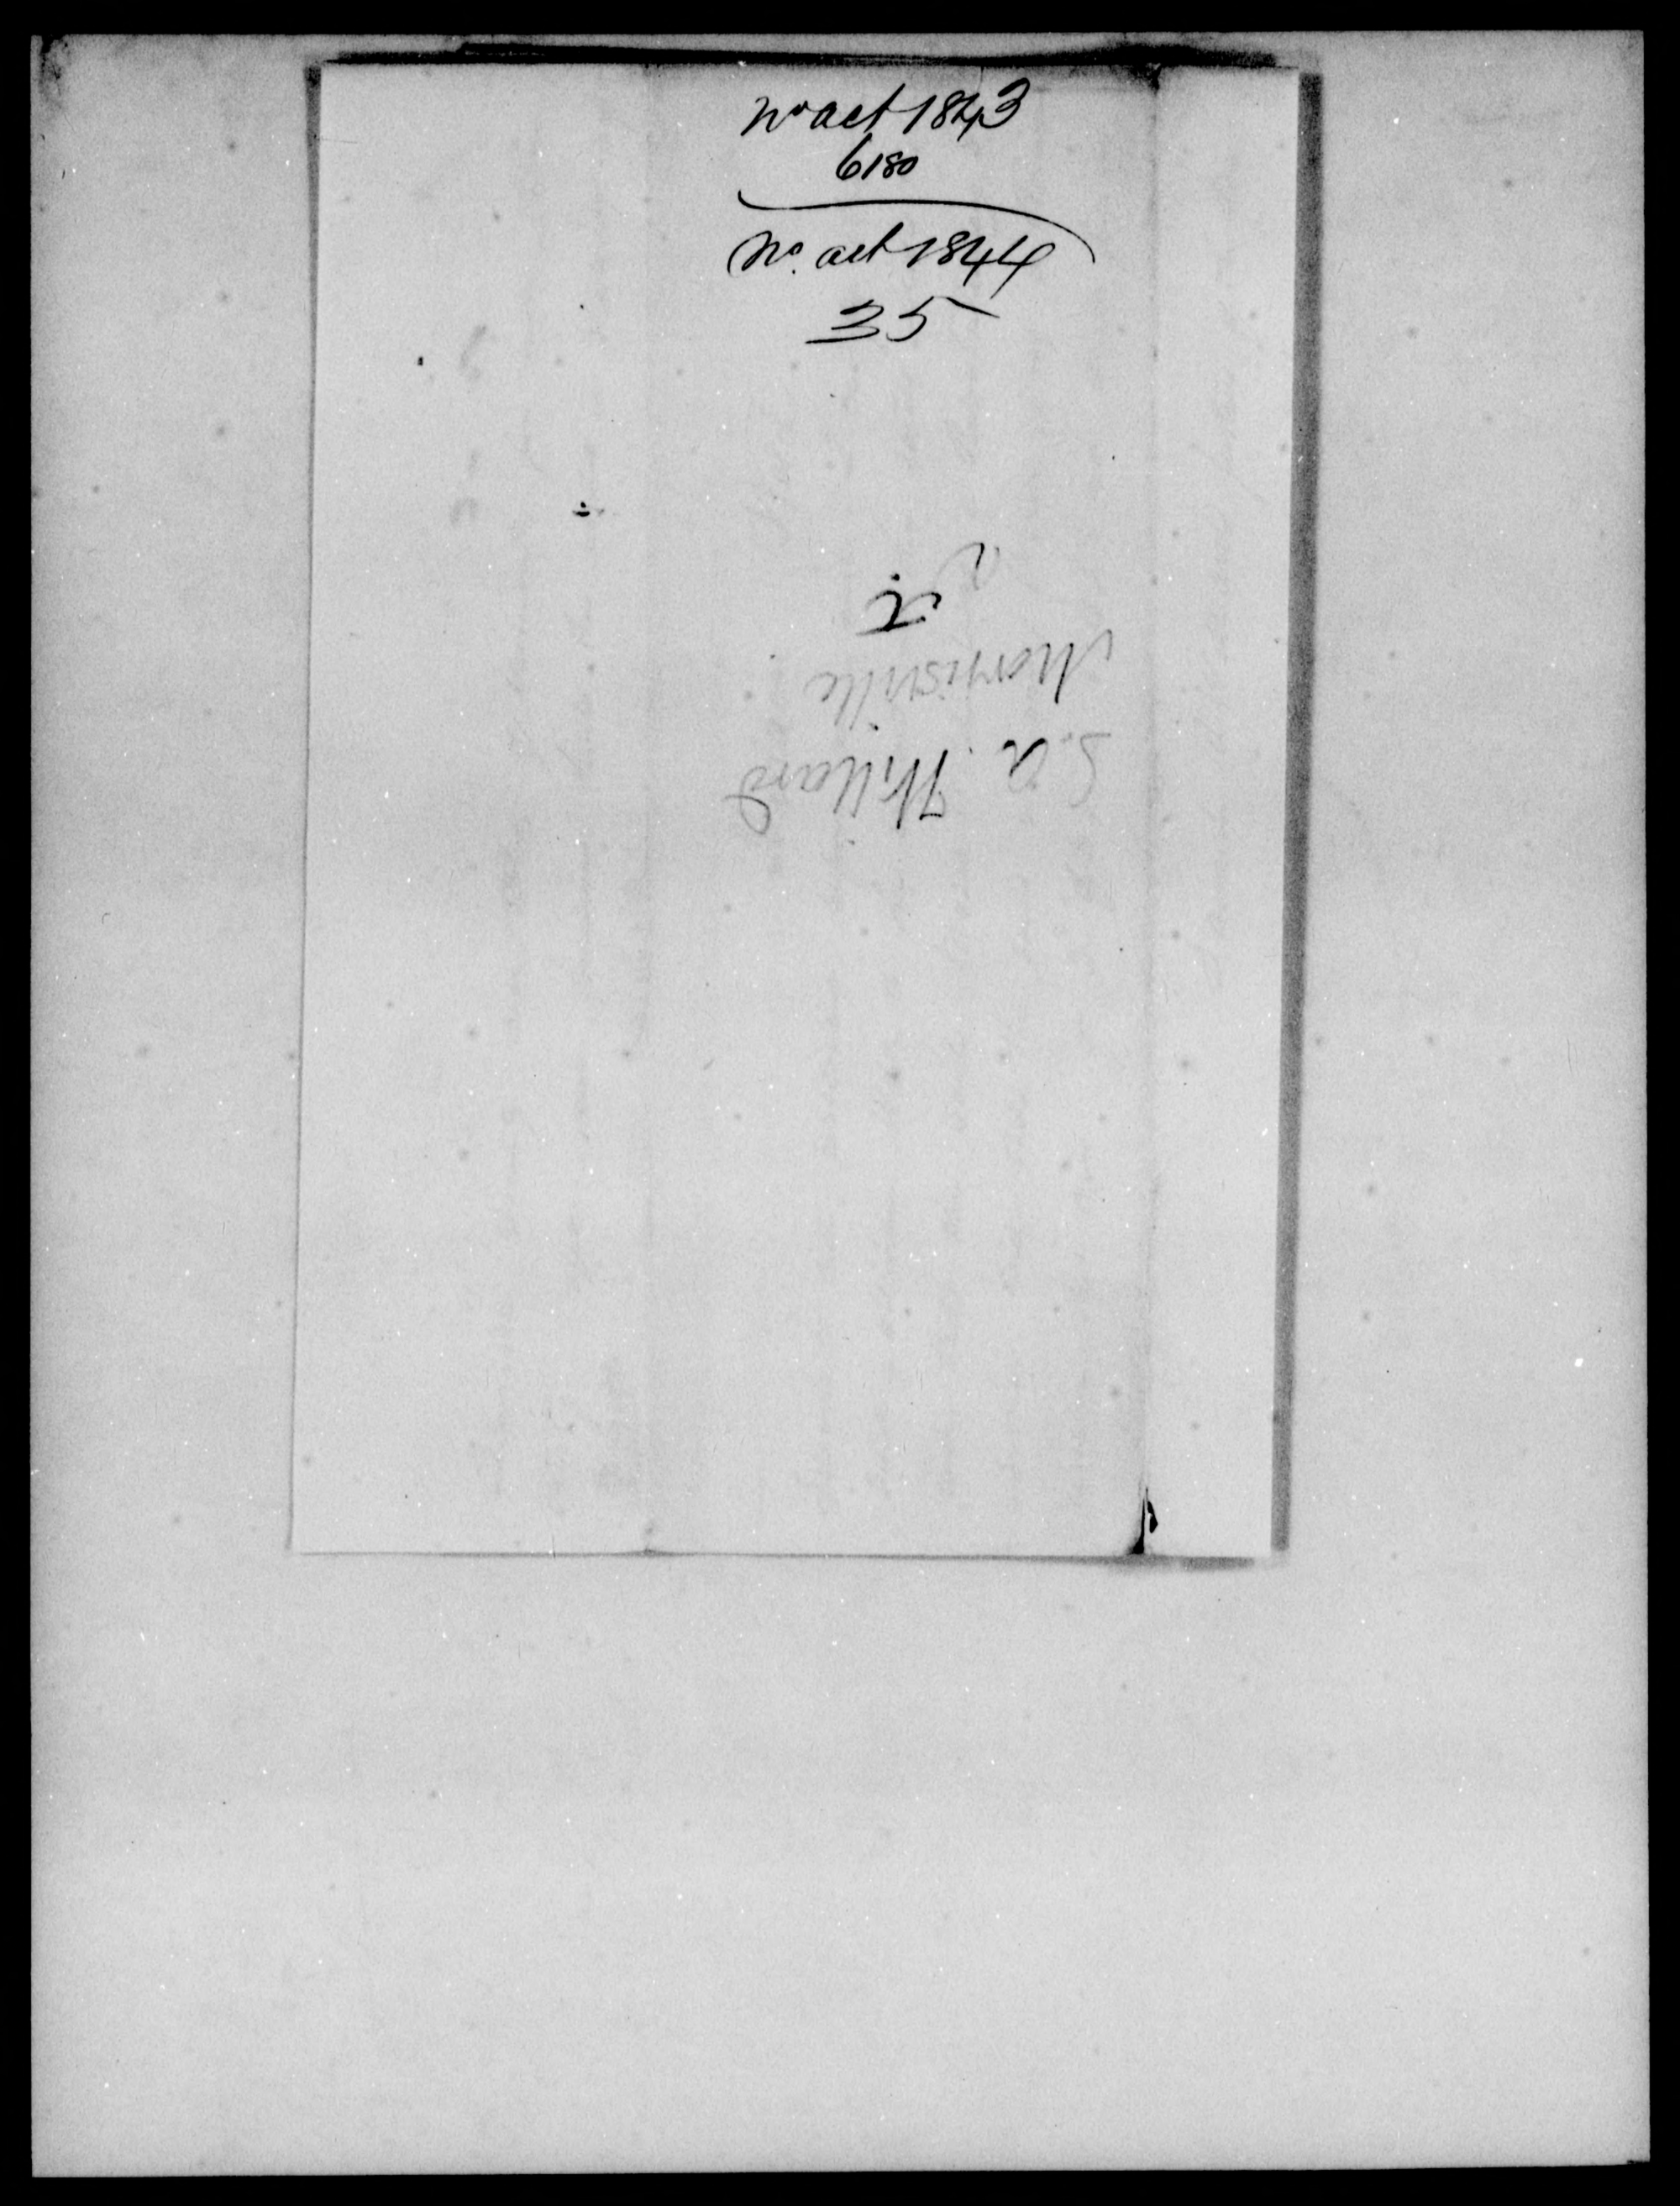No. Act 1843
6180
-
No. act 1844
35

[following text upside down]
S. A. Willard
Morrisville,
VT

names: S A Willard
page: 65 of 87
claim: widow's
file: W. 25,966, Moses Weld, Mass.